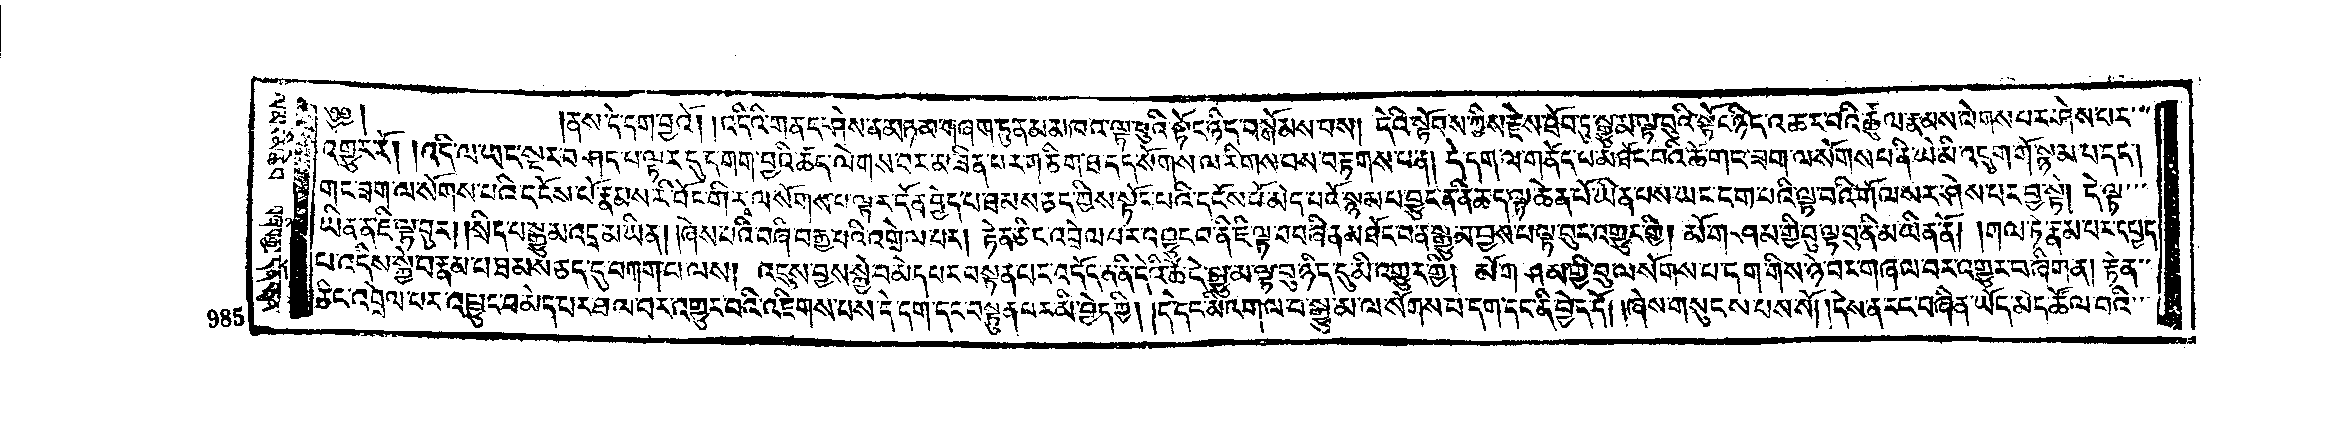༄༅། །ནས་དེ་དག་བྱའོ། །འདིའི་གནད་ཤེས་ན་མཉམ་གཞག་ཏུ་ནམ་མཁའ་ལྟ་བུའི་སྟོང་ཉིད་བསྒོམས་པས། དེའི་སྟོབས་ཀྱིས་རྗེས་ཐོབ་ཏུ་སྒྱུ་མ་ལྟ་བུའི་སྟོང་ཉིད་འཆར་བའི་ཚུལ་རྣམས་ལེགས་པར་ཤེས་པར་
འགྱུར་རོ། །འདི་ལ་ཡང་སྔར་བཤད་པ་ལྟར་དུ་དགག་བྱའི་ཚད་ལེགས་པར་མ་ཟིན་པར་གཅིག་ཐ་དད་སོགས་ལ་རིགས་པས་བརྟགས་པ་ན། དེ་དག་ལ་གནོད་པ་མཐོང་བའི་ཚེ་གང་ཟག་ལ་སོགས་པ་ནི་ཡེ་མི་འདུག་གོ་སྙམ་པ་དང་།
གང་ཟག་ལ་སོགས་པའི་དངོས་པོ་རྣམས་རི་བོང་གི་རྭ་ལ་སོགས་པ་ལྟར་དོན་བྱེད་པ་ཐམས་ཅད་ཀྱིས་སྟོང་པའི་དངོས་པོ་མེད་པའོ་སྙམ་པ་བྱུང་ན་ནི་ཆད་ལྟ་ཆེན་པོ་ཡིན་པས་ཡང་དག་པའི་ལྟ་བའི་གོལ་སར་ཤེས་པར་བྱ་སྟེ། དེ་ལྟ་
ཡིན་ན་ཇི་ལྟ་བུར། །སྲིད་པ་སྒྱུ་མ་འདྲ་མ་ཡིན། །ཞེས་པའི་བཞི་བརྒྱ་པའི་འགྲེལ་པར། རྟེན་ཅིང་འབྲེལ་པར་འབྱུང་བ་ནི་ཇི་ལྟ་བ་བཞིན་མཐོང་བ་ན་སྒྱུ་མ་བྱས་པ་ལྟ་བུར་འགྱུར་གྱི། མོ་གཤམ་གྱི་བུ་ལྟ་བུ་ནི་མ་ཡིན་ནོ། །གལ་ཏེ་རྣམ་པར་དཔྱད་
པ་འདིས་སྐྱེ་བ་རྣམ་པ་ཐམས་ཅད་དུ་བཀག་པ་ལས། འདུས་བྱས་སྐྱེ་བ་མེད་པར་བསྟན་པར་འདོད་ན་ནི་དེའི་ཚེ་དེ་སྒྱུ་མ་ལྟ་བུ་ཉིད་དུ་མི་འགྱུར་གྱི། མོ་གཤམ་གྱི་བུ་ལ་སོགས་པ་དག་གིས་ཉེ་བར་གཞལ་བར་འགྱུར་བ་ཞིག་ན། རྟེན་
ཅིང་འབྲེལ་པར་འབྱུང་བ་མེད་པར་ཐལ་བར་འགྱུར་བའི་འཇིགས་པས་དེ་དག་དང་བསྟུན་པར་མི་བྱེད་ཀྱི། དེ་དང་མི་འགལ་བ་སྒྱུ་མ་ལ་སོགས་པ་དག་དང་ནི་བྱེད་དོ། །ཞེས་གསུངས་པས་སོ། །དེས་ན་རང་བཞིན་ཡོད་མེད་ཚོལ་བའི་